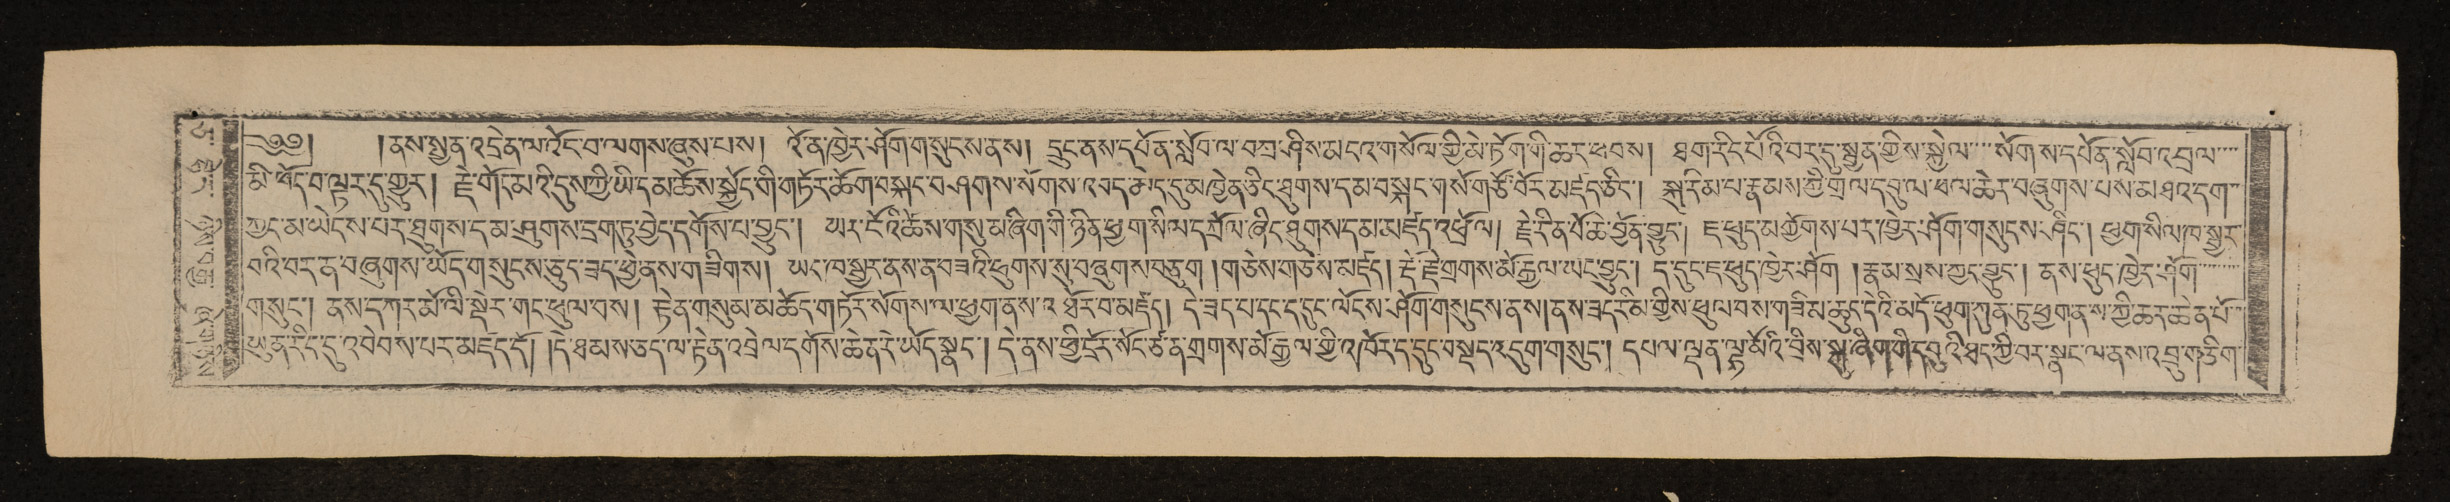༄༅། །ནས་སྤྱན་འདྲེན་ལ་འོང་པ་ལགས་ཞུས་པས། འོ་ན་ཁྱེར་ཤོག་གསུངས་ནས། དྲུང་ནས་དཔོན་སློབ་ལ་བཀྲ་ཤིས་མངའ་གསོལ་གྱི་མེ་ཏོག་གི་ཆར་ཕབས། ཐག་རིང་པོའི་བར་དུ་སྤྱན་གྱིས་སྐྱེལ་བ་སོགས་དཔོན་སློབ་འབྲལ་
མི་ཕོད་བ་ལྟར་དུ་གྱུར། རྗེ་གོང་མའི་དུས་ཀྱི་ཡི་དམ་ཆོས་སྐྱོང་གི་གཏོར་ཆོག་བསྐང་བཤགས་སོགས་འབད་མེད་དུ་མཁྱེན་ཅིང་ཐུགས་དམ་བསྐང་གསོ་གཙོ་བོར་མཛད་ཅིང་། སྐུ་རིམ་པ་རྣམས་ཀྱི་གྲལ་དབུ་ལ་ཕལ་ཆེར་བཞུགས་པས་མཐའ་དག་
ཀྱང་མ་ཡེངས་པར་ཐུགས་དམ་ཤུགས་དྲག་ཏུ་བྱེད་དགོས་པ་བྱུང་། ཡར་ངོའི་ཚེས་གསུམ་ཞིག་གི་ཉིན་ཕྱག་སིལ་དཀྲོལ་ཞིང་ཐུགས་དམ་མཛད་འཕྲོ་ལ། རྗེ་རིན་པོ་ཆེ་བྱོན་བྱུང་། ཇ་ཕུད་མགྱོགས་པར་ཁྱེར་ཤོག་གསུངས་ཤིང་། ཕྱག་སིལ་ཁ་སྦྱར་
བའི་བར་ན་བཞུགས་ཡོད་གསུངས་ཅུང་ཟད་ཕྱེ་ནས་གཟིགས། ཡང་ཁ་སྦྱར་ནས་ན་བཟའི་ཕུགས་སུ་བཞུགས་བཅུག །གཅེས་གཅེས་མཛད། རྡོ་རྗེ་གྲགས་མོ་རྒྱལ་ཡང་བྱུང་། ད་དུང་ཇ་ཕུད་ཁྱེར་ཤོག །རྣམ་སྲས་ཀྱང་བྱུང་། ནས་ཕུད་ཁྱེར་ཤོག་
གསུང་། ནས་དཀར་མོ་ལི་སྡེར་གང་ཕུལ་བས། རྟེན་གསུམ་མཆོད་གཏོར་སོགས་ལ་ཕྱག་ནས་འཐོར་བ་མཛད། དེ་ཟད་པ་དང་ད་དུང་ལོངས་ཤོག་གསུངས་ནས། ནས་ཟད་རིམ་གྱིས་ཕུལ་བས་གཟིམ་ཆུང་དེའི་མདོ་ཕུག་ཀུན་ཏུ་ཕྱག་ནས་ཀྱི་ཆར་ཆེན་པོ་
ཡུན་རིང་དུ་འཕེབས་པར་མཛད་དོ། །དེ་ཐམས་ཅད་ལ་རྟེན་འབྲེལ་དགོས་ཆེན་རེ་ཡོད་སྣང་། དེ་ནས་ཕྱི་དྲོར་སོང་ཙ་ན་གྲགས་མོ་རྒྱལ་གྱི་འཁོར་ད་དུང་བསྡད་འདུག་གསུང་། དཔལ་ལྡན་ལྷ་མོའི་བྲིས་སྐུ་ཞིག་གི་དབུའི་ཐད་ཀྱི་བར་སྣང་ལ་ནས་འབྲུ་གཅིག་